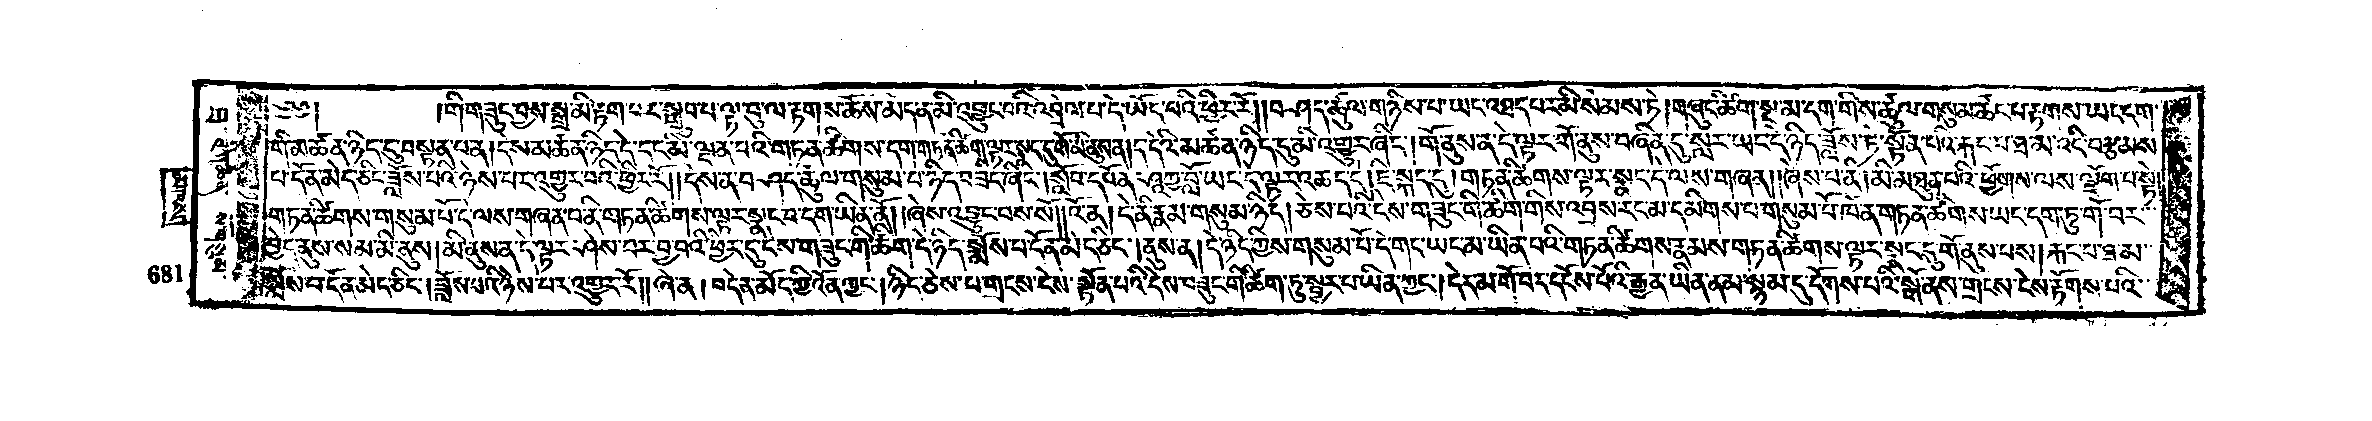༄༅། །གི་གཟུང་བྱས་སྒྲ་མི་རྟག་པར་སྒྲུབ་པ་ལྟ་བུ་ལ་རྟགས་ཆོས་མེད་ན་མི་འབྱུང་བའི་འབྲེལ་པ་དེ་ཡོད་པའི་ཕྱིར་རོ། །བཤད་ཚུལ་གཉིས་པ་ཡང་འཐད་པར་མི་སེམས་ཏེ། གཞུང་ཚིག་སྔ་མ་དག་གིས་ཚུལ་གསུམ་ཚང་པ་རྟགས་ཡང་དག་
གི་མཚན་ཉིད་དུ་བསྟན་པ་ན། དེས་མཚན་ཉིད་དེ་དང་མི་ལྡན་པའི་གཏན་ཚིགས་དག་གཏན་ཚིགས་ལྟར་སྣང་དུ་གོ་མི་ནུས་ན། དེ་དེའི་མཚན་ཉིད་དུ་མི་འགྱུར་ཞིང་། གོ་ནུས་ན་དེ་ལྟར་གོ་ནུས་བཞིན་དུ་སླར་ཡང་དེ་ཉིད་ཟློས་སྟོན་ཏེ་སྟོན་པའི་རྐང་པ་ཐ་མ་འདི་བརྩམས་
པ་དོན་མེད་ཅིང་ཟློས་པའི་ཉེས་པར་འགྱུར་བའི་ཕྱིར་རོ། ། དེས་ན་བཤད་ཚུལ་གསུམ་པ་ཉིད་བཟང་ཞིང་། སློབ་དཔོན་ཤཱཀྱ་བློ་ཡང་དེ་ལྟར་འཆད་དེ། ཇི་སྐད་དུ། གཏན་ཚིགས་ལྟར་སྣང་དེ་ལས་གཞན། །ཞེས་པ་ནི། མི་མཐུན་པའི་ཕྱོགས་ལས་ལྡོག་པ་སྟེ།
གཏན་ཚིགས་གསུམ་པོ་དེ་ལས་གཞན་པ་ནི་གཏན་ཚིགས་ལྟར་སྣང་བ་དག་ཡིན་ནོ། །ཞེས་འབྱུང་བས་སོ། །འོ་ན། དེ་ནི་རྣམ་གསུམ་ཉིད། ཅེས་པའི་ངེས་གཟུང་གི་ཚིག་གིས་འབྲས་རང་མ་དམིགས་པ་གསུམ་པོ་ཁོ་ན་གཏན་ཚིགས་ཡང་དག་ཏུ་གོ་བར་
བྱེད་ནུས་སམ་མི་ནུས། མི་ནུས་ན་དེ་ལྟར་ཤེས་པར་བྱ་བའི་ཕྱིར་དུ་ངེས་གཟུང་གི་ཚིག་དེ་ཉིད་སྨོས་པ་དོན་མེད་ཅིང་། ནུས་ན། དེ་ཉིད་ཀྱིས་གསུམ་པོ་དེ་གང་ཡང་མ་ཡིན་པའི་གཏན་ཚིགས་རྣམས་གཏན་ཚིགས་ལྟར་སྣང་དུ་གོ་ནུས་པས། རྐང་པ་ཐ་མ་
སྨོས་པ་དོན་མེད་ཅིང་། ཟློས་པའི་ཉེས་བར་འགྱུར་རོ། །ཞེ་ན། བདེན་མོད་ཀྱང་། ཉིད་ཅེས་པ་གྲངས་ངེས་སྟོན་པའི་ངེས་བཟུང་གི་ཚིག་ཏུ་སྦྱར་པ་ཡིན་ཀྱང་། དེར་མ་གོ་བར་དངོས་པོའི་རྒྱན་ཡིན་ནམ་སྙམ་དུ་དོགས་པའི་སྒོ་ནས་གྲངས་ངེས་རྟོགས་པའི་